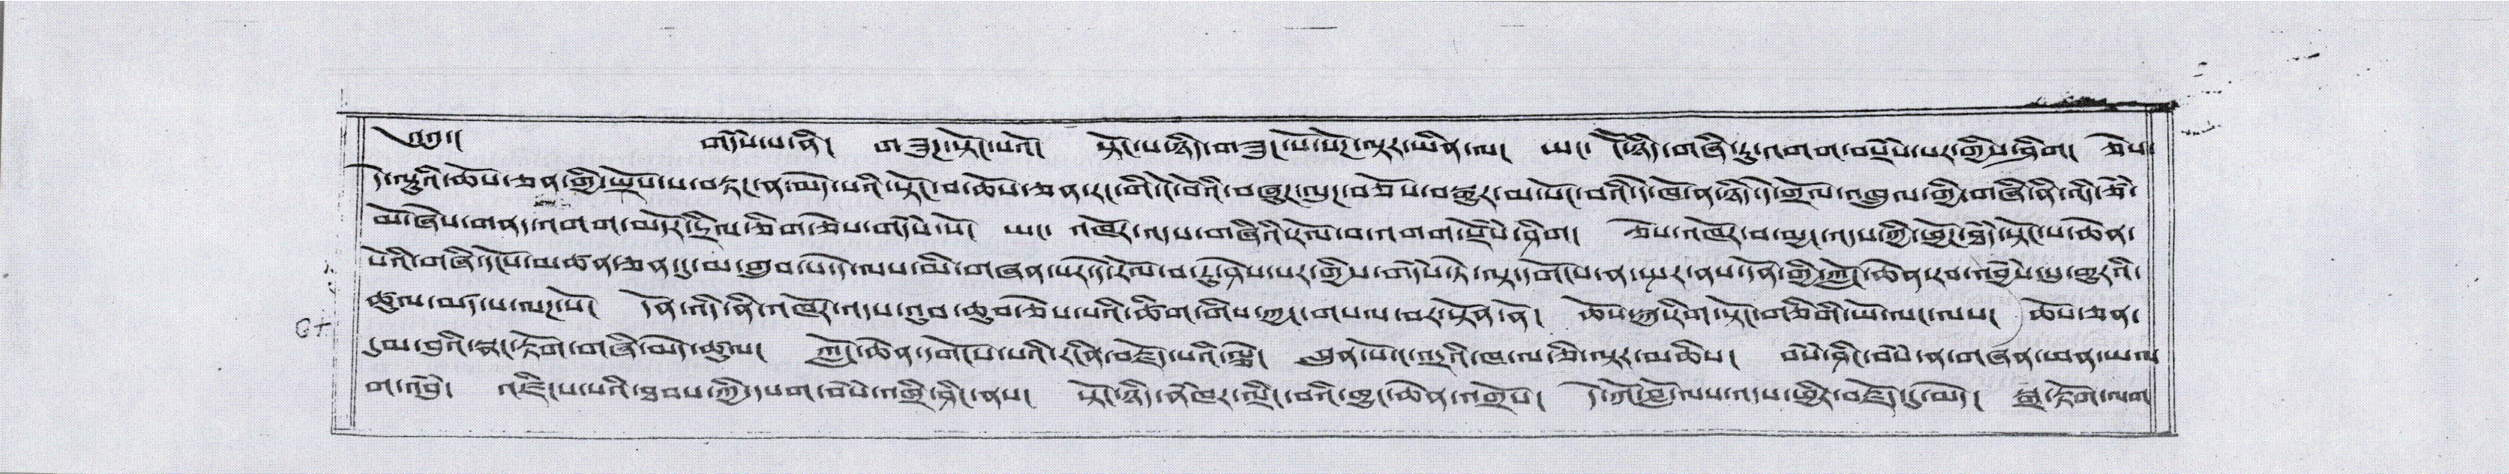གདམས་པ་ནི། གཟུགས་སྟོང་པའོ། སྟོང་པ་ཉིད་གཟུགས་སོ་སོགས་ལྟར་ཡིན་ལ། ཡང། ངོ་བོ་ཉིད་གཞི་རུ་འགག་བསྡམས་པར་གྱིས་ཤིག ཅེས་
དེ་ལྟ་བུའི་ཆོས་ཅན་གྱི་སྤྲོས་པ་བརྟགས་ན་མེད་པའི་སྟོང་པ་ཆོས་ཅན་རང་གི་ངོ་བོའི་བཞུགས་ལུགས་བཅོས་བསྒྱུར་མ་སོང་བའི་དེ་ཁོ་ན་ཉིད་དེ་གྲོལ་འཁྲུལ་གྱི་གཞི་ནི་འདི་ཙམ་
མོ་ཞེས་གནད་འགག་མདོར་དྲིལ་ཅིག་ཅེས་གདམས་སོ། ཡང། འཁོར་འདས་གཞིའི་རོལ་བ་འགག་སྡོམས་ཤིག ཅེས་འཁོར་བ་མྱང་འདས་ཀྱི་ཕྱོགས་ཐམས་ཅད་སྟོང་པ་ཆེན་
པོའི་གཞི་དངོས་མཚན་ཅན་དུ་མ་གྲུབ་པ་དེ་ལས་མི་གཞན་པར་དེ་རོལ་བ་རུ་ཤེས་པར་གྱིས་གདམས་ཏེ་ལྟ་དགོངས་ན་སྤར་ནས་དོན་གྱི་ཀློང་ཆེན་རབ་འབྱམས་སུ་གྱུར་པའི་
ཚུལ་མཛད་པ་ལགས་སོ། དོན་འདི་ནི་འཁོར་འདས་འུབ་ཆུབ་ཅེས་པའི་ཚིག་གིས་ཀྱང་གསལ་བར་སྟོན་ནོ། ཆོས་སྐུ་རིག་སྟོང་གཅིག་གི་ཡོ་ལང་ལས། ཆོས་ཅན་
དུམ་བུའི་སྣང་རྟོག་གཞི་མེད་ཚུལ། ཀློང་ཆེན་དགོངས་པའི་རང་བཞིན་བརྗོད་པའི་ལྕེ། བླུན་པོ་ང་འདྲའི་ཁ་ལ་ཅི་ལྟར་མཆིས། བསམ་ཤིང་བསམ་ན་གཞན་ཕན་ཡལ་
ག་འབུམ། འཛིངས་པའི་ཐབས་ཀྱི་དཔག་བསམ་འཁྲི་ཤིང་ནས། སྟོང་ཉིད་ནམ་མཁར་ལྡིང་བའི་ཁྱུང་ཆེན་འགྲོས། དེ་ཀོ་བློ་ལས་འདས་ཕྱིར་བརྗོད་དུ་མེད། སྒྲ་རྟོག་ལག་